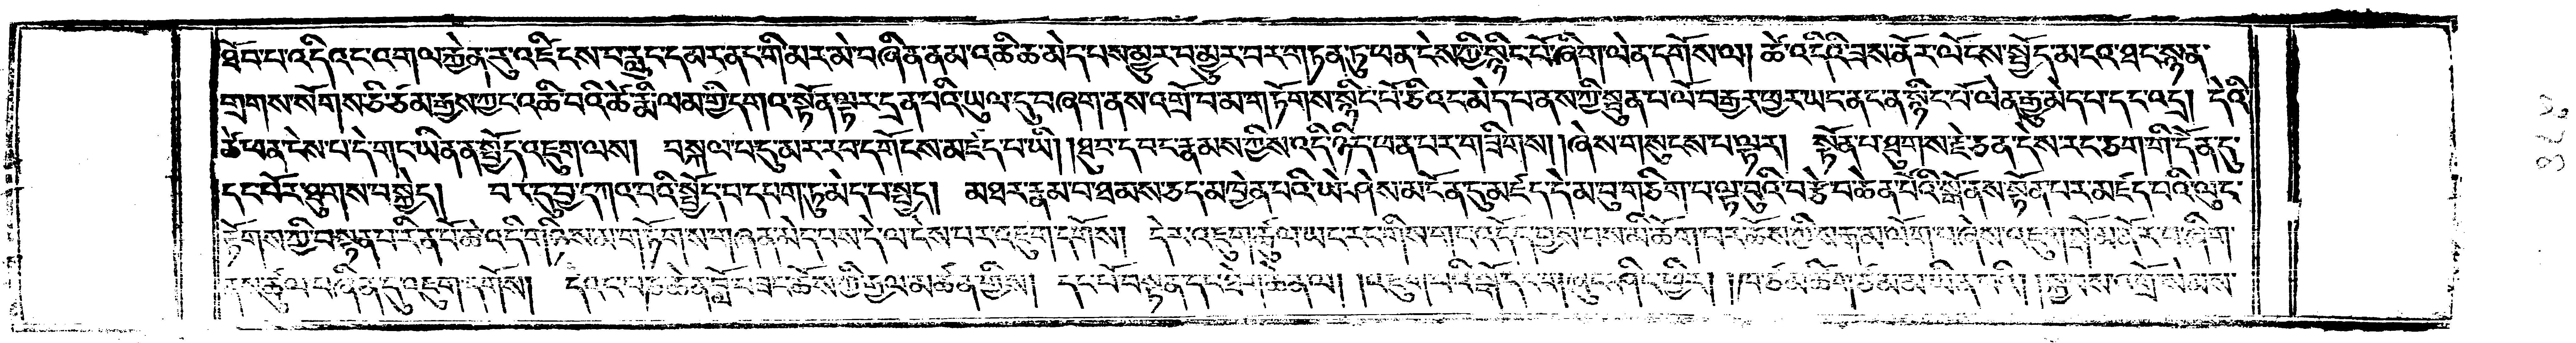ཐོབ་པ་འདིའང་འགལ་རྐྱེན་དུ་འཛིངས་པ་རླུང་དམར་ནང་གི་མར་མེ་བཞིན་ནམ་འཆི་ཆ་མེད་པས་མྱུར་བ་མྱུར་བར་གཏན་དུ་ཕན་དེས་ཀྱི་སྙིང་པོ་ཞིག་ལེན་དགོས་ལ། ཚེ་འདིའི་ཟས་ནོར་ལོངས་སྤྱོད་མངའ་ཐང་སྙན་
གྲགས་སོགས་ཅི་ཙམ་རྒྱས་ཀྱང་འཆི་བའི་ཚེ་རྨི་ལམ་གྱི་དགའ་སྟོན་ལྟར་དྲན་པའི་ཡུལ་དུ་བཞག་ནས་འགྲོ་བ་མ་གཏོགས་སྙིང་པོ་ཅིའང་མེད་པ་ནས་ཀྱི་སྤུན་པ་ལོ་བརྒྱར་ཕྱར་ཡང་ནང་ན་སྙིང་པོ་ལེན་རྒྱུ་མེད་པ་དང་འདྲ། དེའི་
ཚེ་ཕན་ངེས་པ་དེ་གང་ཡིན་ན་སྤྱོད་འཇུག་ལས། བསྐལ་པ་དུ་མར་རབ་དགོངས་མཛད་པ་ཡི། །ཐུབ་དབང་རྣམས་ཀྱིས་འདི་ཉིད་ཕན་པར་གཟིགས། །ཞེས་གསུངས་པ་ལྟར། སྟོན་པ་ཐུགས་རྗེ་ཅན་དེས་རང་ཅག་གི་དོན་དུ་
དང་པོར་ཐུགས་བསྐྱེད། བར་དུ་བྱ་དཀའ་བའི་སྤྱོད་པ་དཔག་ཏུ་མེད་པ་སྤྱད། མཐར་རྣམ་པ་ཐམས་ཅད་མཁྱེན་པའི་ཡེ་ཤེས་མངོན་དུ་མཛད་དེ་མ་བུ་གཅིག་པ་ལྟ་བུའི་བརྩེ་བ་ཆེན་པོའི་སྒོ་ནས་སྟོན་པར་མཛད་པའི་ལུང་
རྟོགས་ཀྱི་བསྟན་པ་རིན་པོ་ཆེ་འདི་གཉིས་མ་གཏོགས་གཞན་མེད་པས་དེ་ལ་ངེས་པར་འཇུག་དགོས། དེར་འཇུག་ཚུལ་ཡང་རང་གིས་གང་འདོད་བྱས་པས་མི་ཆོག་བར་ཆོས་ཀྱི་སརྒ་མ་ལོག་པ་ཞེས་འཇུག་སྒོ་མནོར་བ་ཞིག་
ནས་ཚུལ་བཞིན་དུ་འཇུག་དགོས། །དེའང་པཎ་ཆེན་བློ་བཟང་ཆོས་ཀྱི་རྒྱལ་མཚན་གྱིས། དང་པོ་བསྟན་དང་ཐེག་ཆེན་ལ། །འཇུག་པའི་སྒོ་དང་གཞུང་ཤིང་ཕྱིར། །ཁ་ཙམ་ཚིག་ཙམ་མ་ཡིན་པའི། །སྐྱབས་འགྲོ་སེམས་